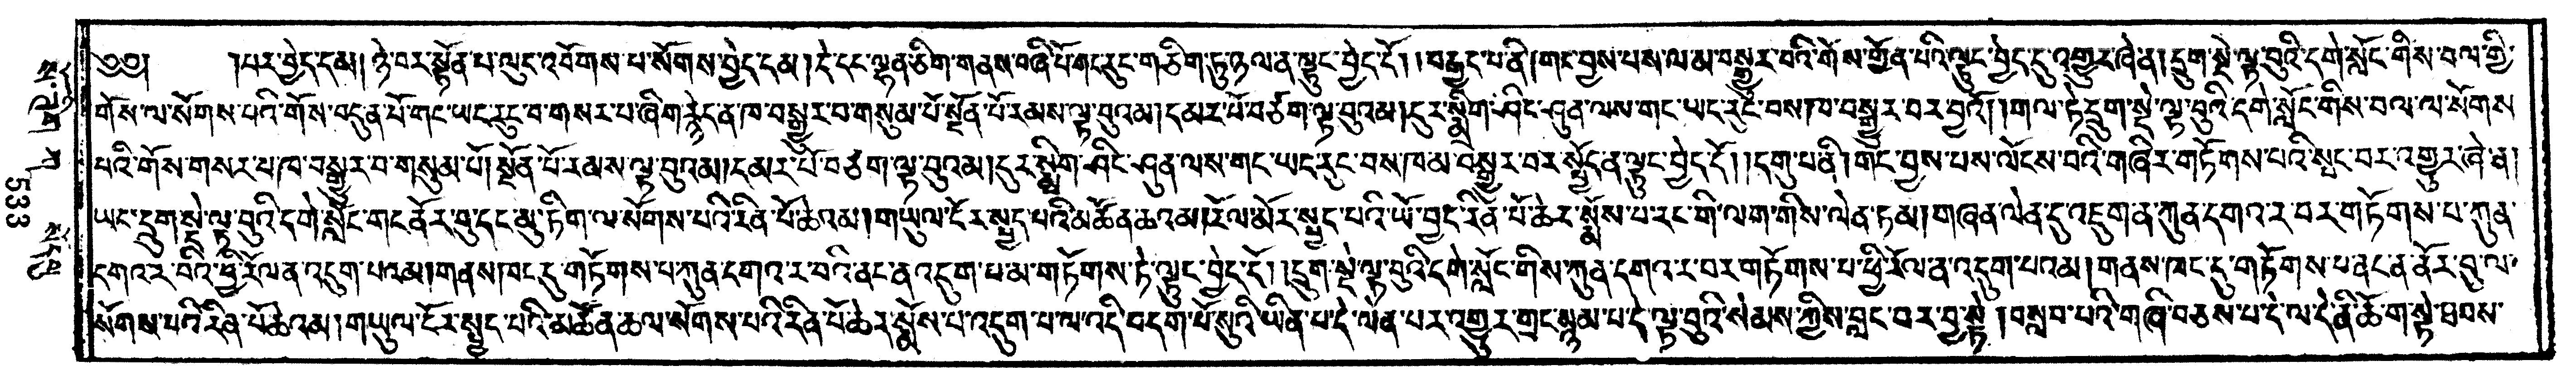༄༅། །པར་བྱེད་དམ། ཉེ་བར་སྟོན་པ་ལུང་འབོགས་པ་སོགས་བྱེད་དམ། དེ་དང་ལྷན་ཅིག་གནས་བཞི་པོ་གང་རུང་གཅིག་ཏུ་ཉལ་ན་ལྟུང་བྱེད་དོ། །བརྒྱད་པ་ནི། གང་བྱས་པས་ལ་མ་བསྒྱུར་བའི་གོས་གྱོན་པའི་ལྟུང་བྱེད་དུ་འགྱུར་ཞེ་ན། དྲུག་སྡེ་ལྟ་བུའི་དགེ་སློང་གིས་བལ་གྱི་
གོས་ལ་སོགས་པའི་གོས་བདུན་པོ་གང་ཡང་རུང་བ་གསར་པ་ཞིག་རྙེད་ན་ཁ་བསྒྱུར་བ་གསུམ་པོ་སྔོན་པོ་རམས་ལྟ་བུའམ། དམར་པོ་བཙག་ལྟ་བུའམ། དུར་སྨྲིག་ཤིང་ཤུན་ལས་གང་ཡང་རུང་བས་ཁ་བསྒྱུར་བར་བྱའོ། །གལ་ཏེ་དྲུག་སྡེ་ལྟ་བུའི་དགེ་སློང་གིས་བལ་ལ་སོགས་
པའི་གོས་གསར་པ་ཁ་བསྒྱུར་བ་གསུམ་པོ། སྔོན་པོ་རམས་ལྟ་བུའམ། དམར་པོ་བཙག་ལྟ་བུའམ། དུར་སྨྲིག་ཤིང་ཤུན་ལས་གང་ཡང་རུང་བས་ཁ་མ་བསྒྱུར་བར་སྤྱོད་ན་ལྟུང་བྱེད་དོ། །དགུ་པ་ནི། གང་བྱས་པས་ལོངས་པའི་གཞིར་གཏོགས་པའི་སྤང་བར་འགྱུར་ཞེ་ན།
ཡང་དྲུག་སྡེ་ལྟ་བུའི་དགེ་སློང་གང་ནོར་བུ་དང་མུ་ཏིག་ལ་སོགས་པའི་རིན་པོ་ཆེའམ། གཡུལ་ངོར་སྤྱད་པའི་མཚོན་ཆའམ། རོལ་མོར་སྤྱད་པའི་ཡོ་བྱད་རིན་པོ་ཆེར་སྨོས་པ་རང་གི་ལག་གིས་ལེན་ཏམ། གཞན་ལེན་དུ་འཇུག་ན་ཀུན་དགའ་ར་བར་གཏོགས་པ་ཀུན་
དགའ་ར་བའི་ཕྱི་རོལ་ན་འདུག་པའམ། གནས་ཁང་དུ་གཏོགས་པ་ཀུན་དགའ་ར་བའི་ནང་ན་འདུག་པ་མ་གཏོགས་ཏེ་ལྟུང་བྱེད་དོ། །དྲུག་སྡེ་ལྟ་བུའི་དགེ་སློང་གིས་ཀུན་དགའ་ར་བར་གཏོགས་པ་ཕྱི་རོལ་ན་འདུག་པའམ། གནས་ཁང་དུ་གཏོགས་པ་ནང་ན་ནོར་བུ་ལ་
སོགས་པའི་རིན་པོ་ཆེའམ། གཡུལ་ངོར་སྤྱད་པའི་མཚོན་ཆ་ལ་སོགས་པའི་རིན་པོ་ཆེར་སྨོས་པ་འདུག་པ་ལ་འདི་བདག་པོ་སུའི་ཡིན་པ་དེ་ལེན་པར་འགྱུར་གྲང་སྙམ་པ་དེ་ལྟ་བུའི་སེམས་ཀྱིས་བླང་བར་བྱ་སྟེ། བསླབ་པའི་གཞི་བཅས་པ་དེ་ལ་དེ་ནི་ཆོ་ག་སྟེ་ཐབས་